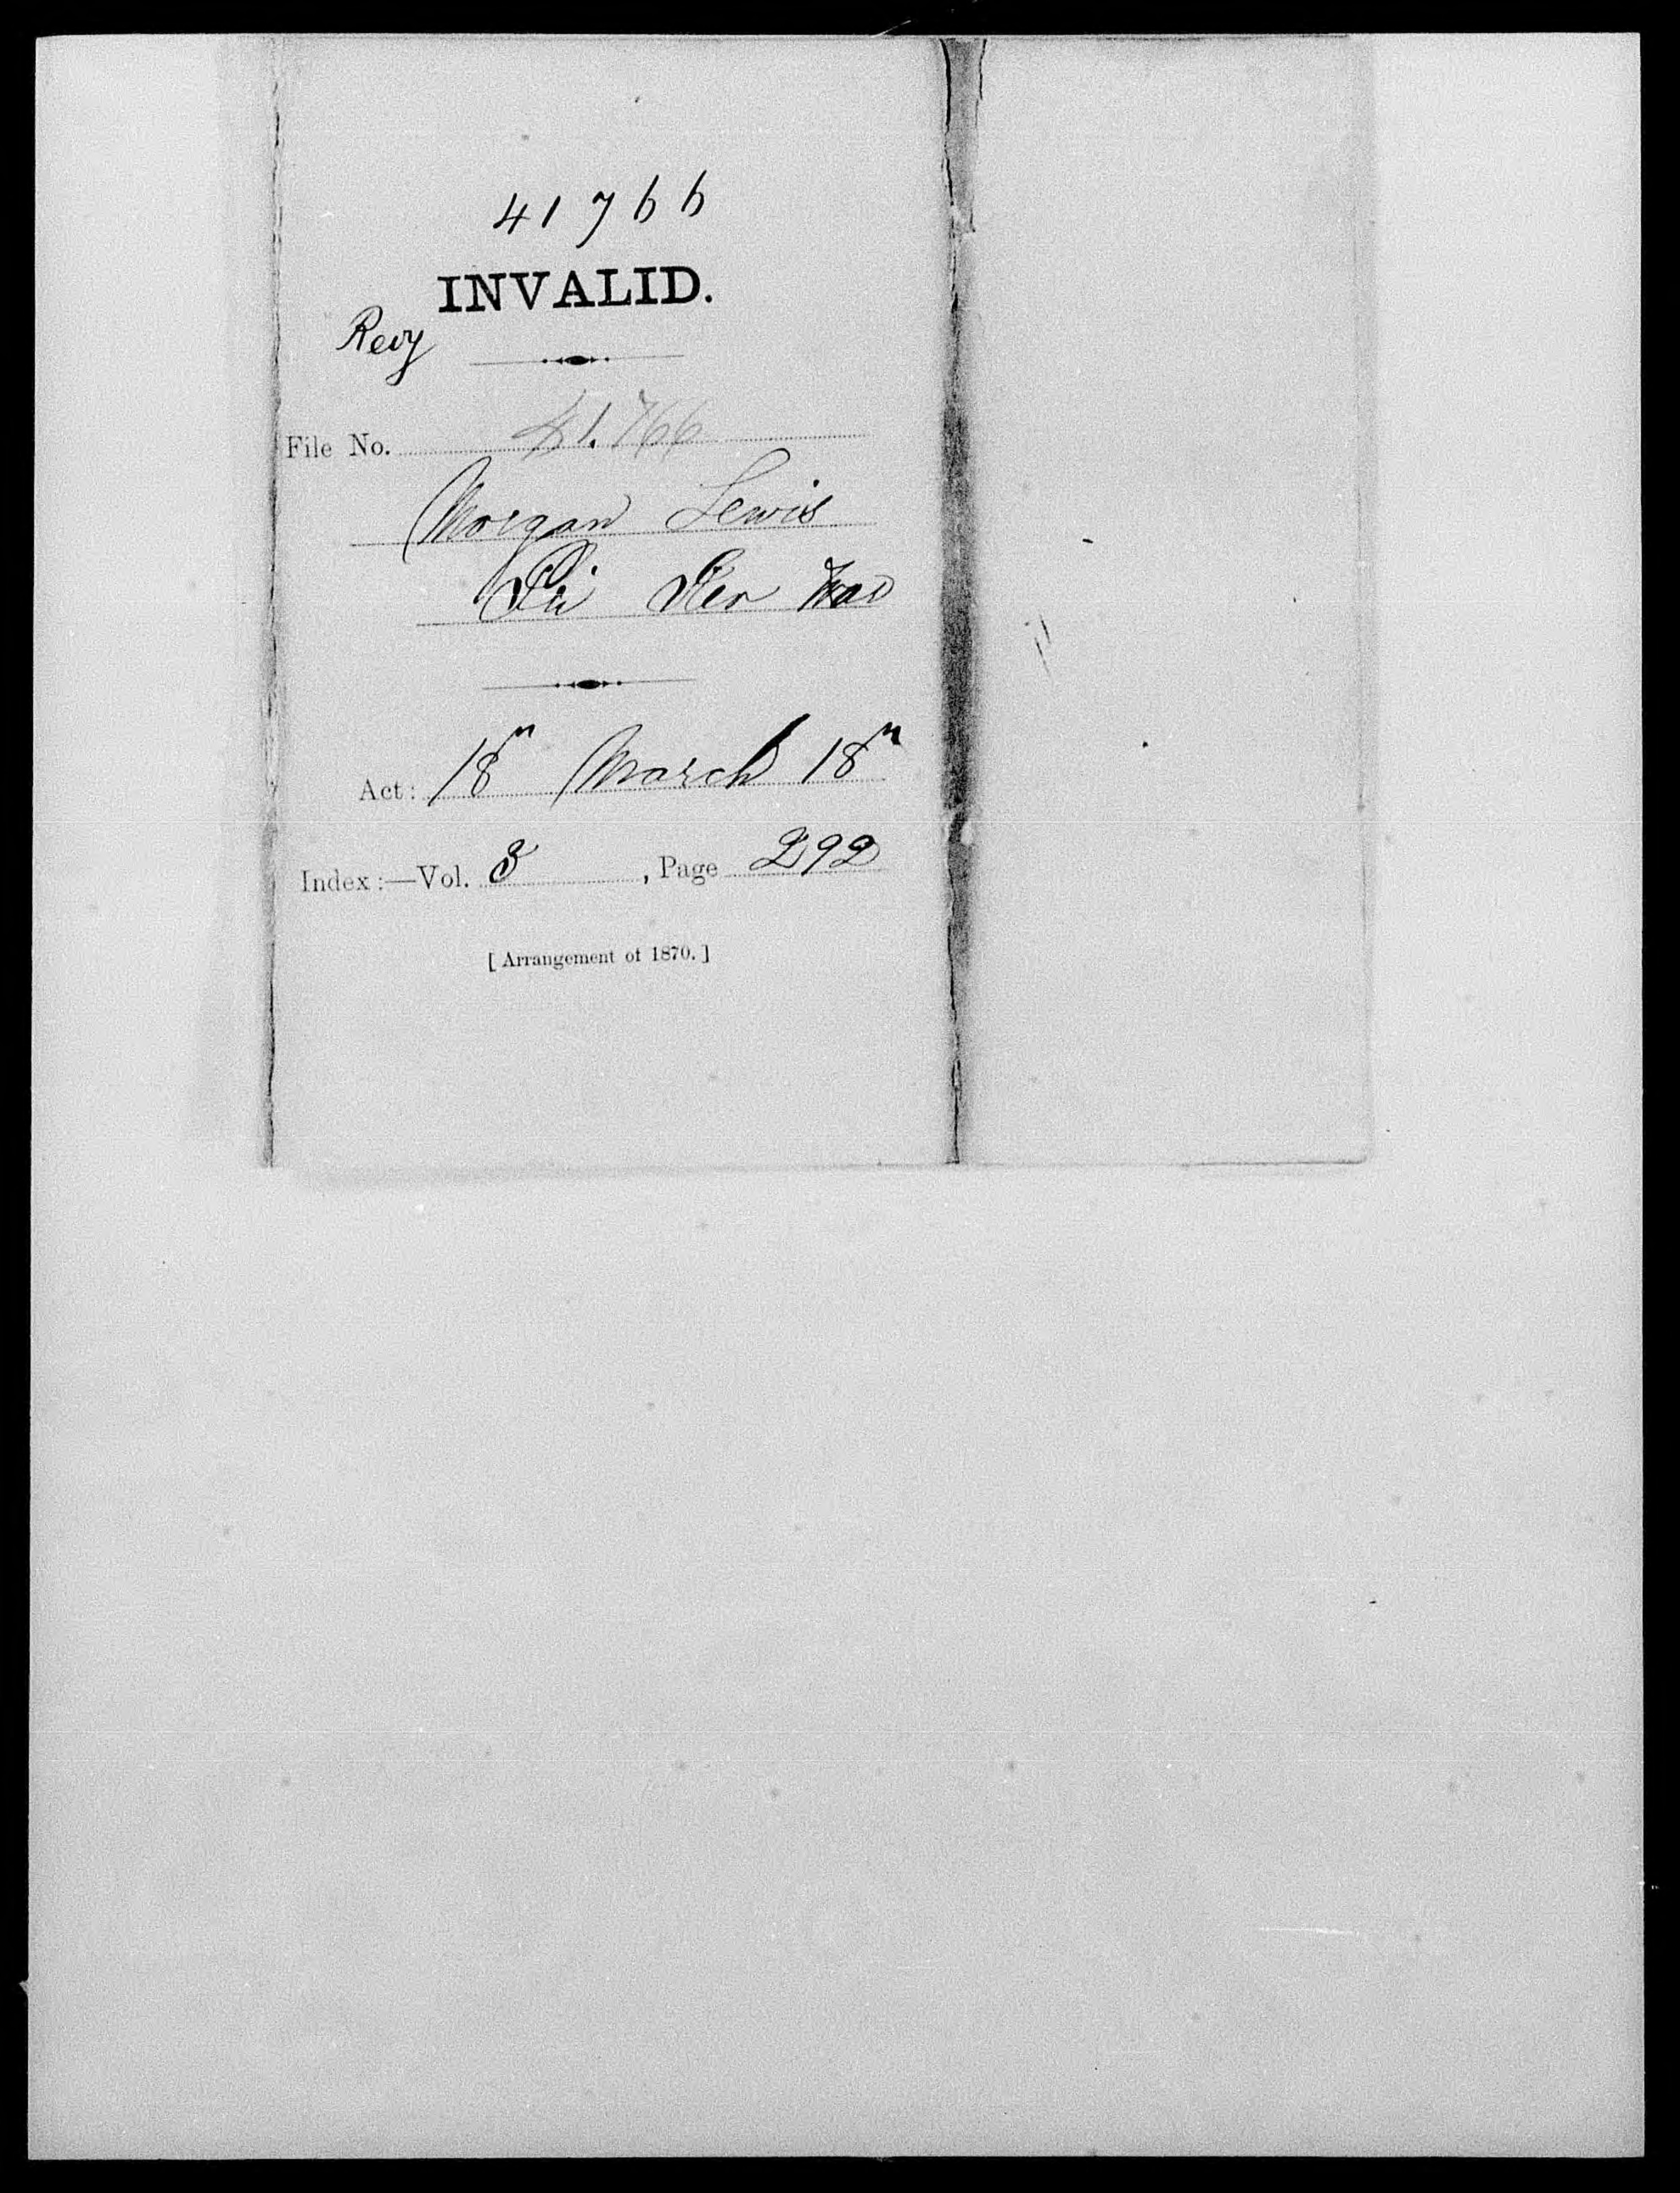41766
INVALID.
Revy
File No. 41.766
Morgan Lewis
[illegible]
Act: 18 March 18
Index:—Vol. 3, Page 292
[in brackets]
Arrangement of 1870.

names: Morgan Lewis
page: 3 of 7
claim: survivor's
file: S. 41766, for Morgan Lewis, North Carolina